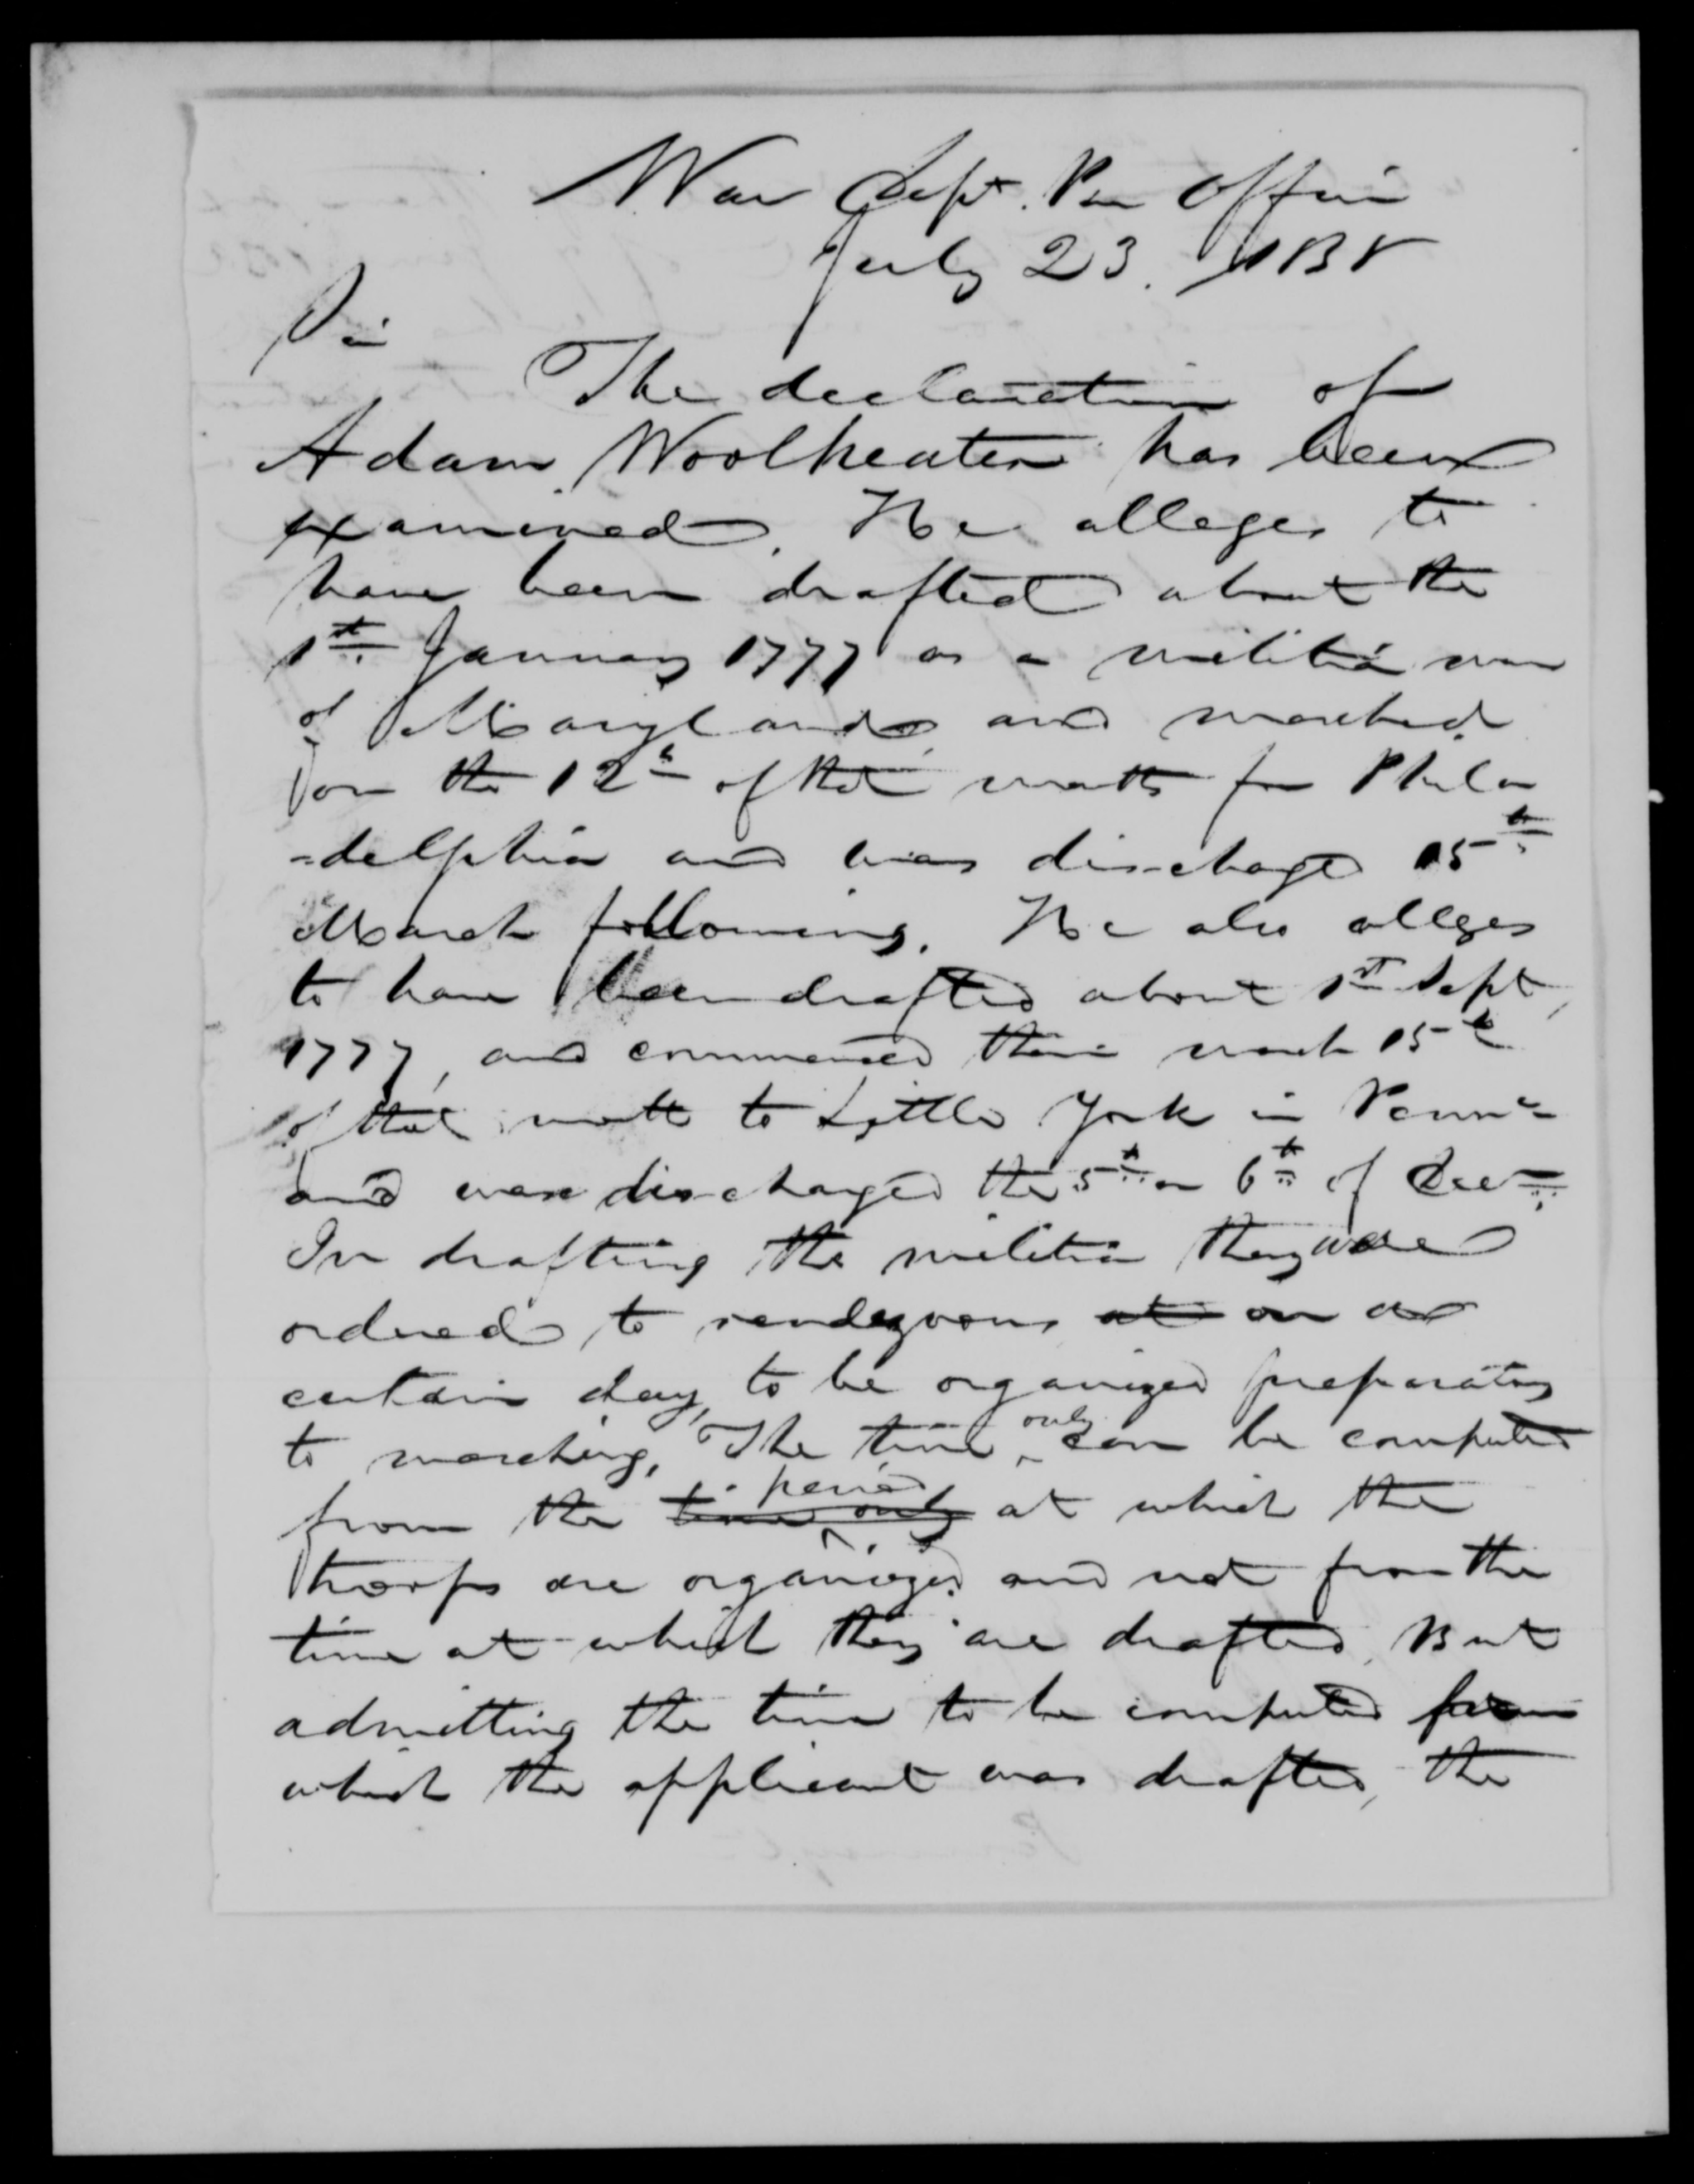War Dept. Pen Office
July 23 11838
Sir 
The declaration of
Adam Woolheater has been
examined. He alleges to
have been drafted about the
1st January 1777 as a militia man
of Maryland and marched on the 12th of that month for Philadelphia and was discharged 15th
March following. He also alleges
to have been drafted about 1st Sept
1777 and commenced their march 15th
 of that month to Little York in Penn’a
and was discharged the 5th or 6th of Dec.
In drafting the militia they were ordered to rendezvous on a certain day, to be organized preparatory to marching.
The time can only be computed from the period at which the troops are organized and not from the
time at which they are drafted. But
admitting the time to be computed
which the applicant was drafted, the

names: Adam Woolheater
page: 14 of 18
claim: rejected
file: R. 11854, Adam Woolheater, Md.